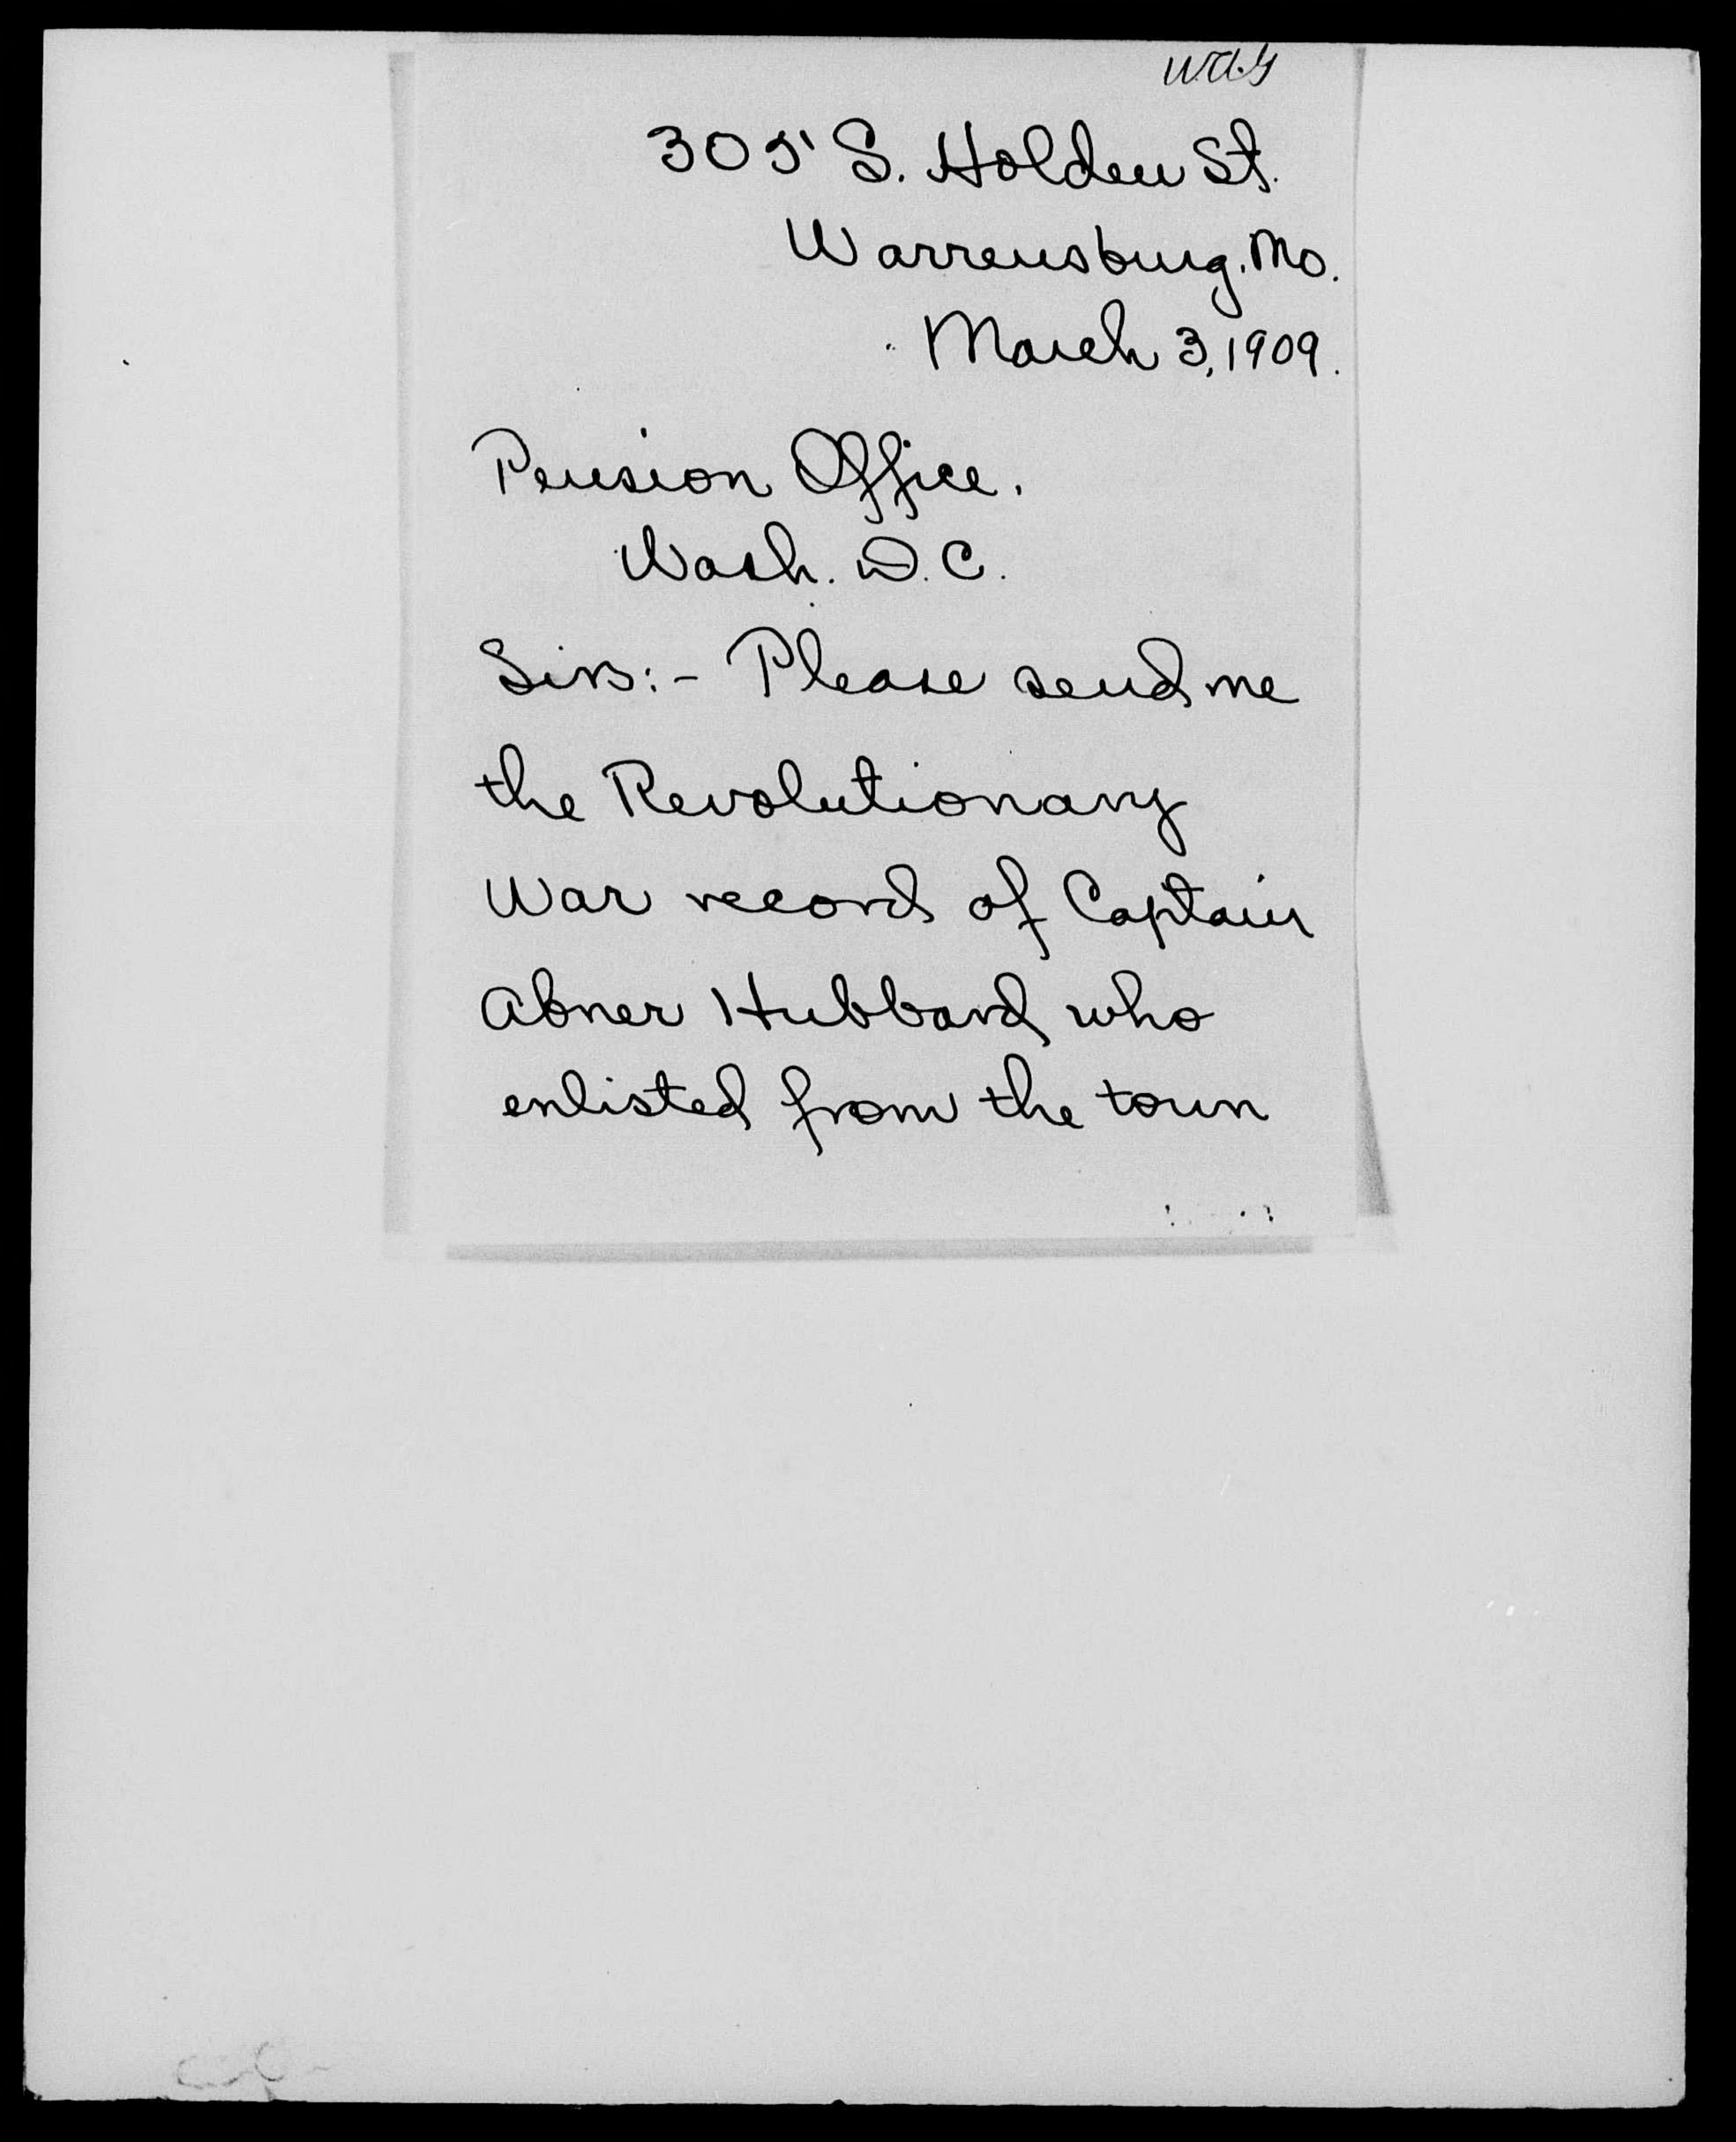305 S. Holder St.
Warrensburg, Mo.
March 3, 1909.
Pension Office
Wash. D.C.
Sirs:-Please send me the Revolutionary War records of Captain Abner Hubbard who enlisted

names: Abner Hubbard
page: 23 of 38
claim: widow's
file: W. 23,381, Abner Hubbard, Continental Mass.